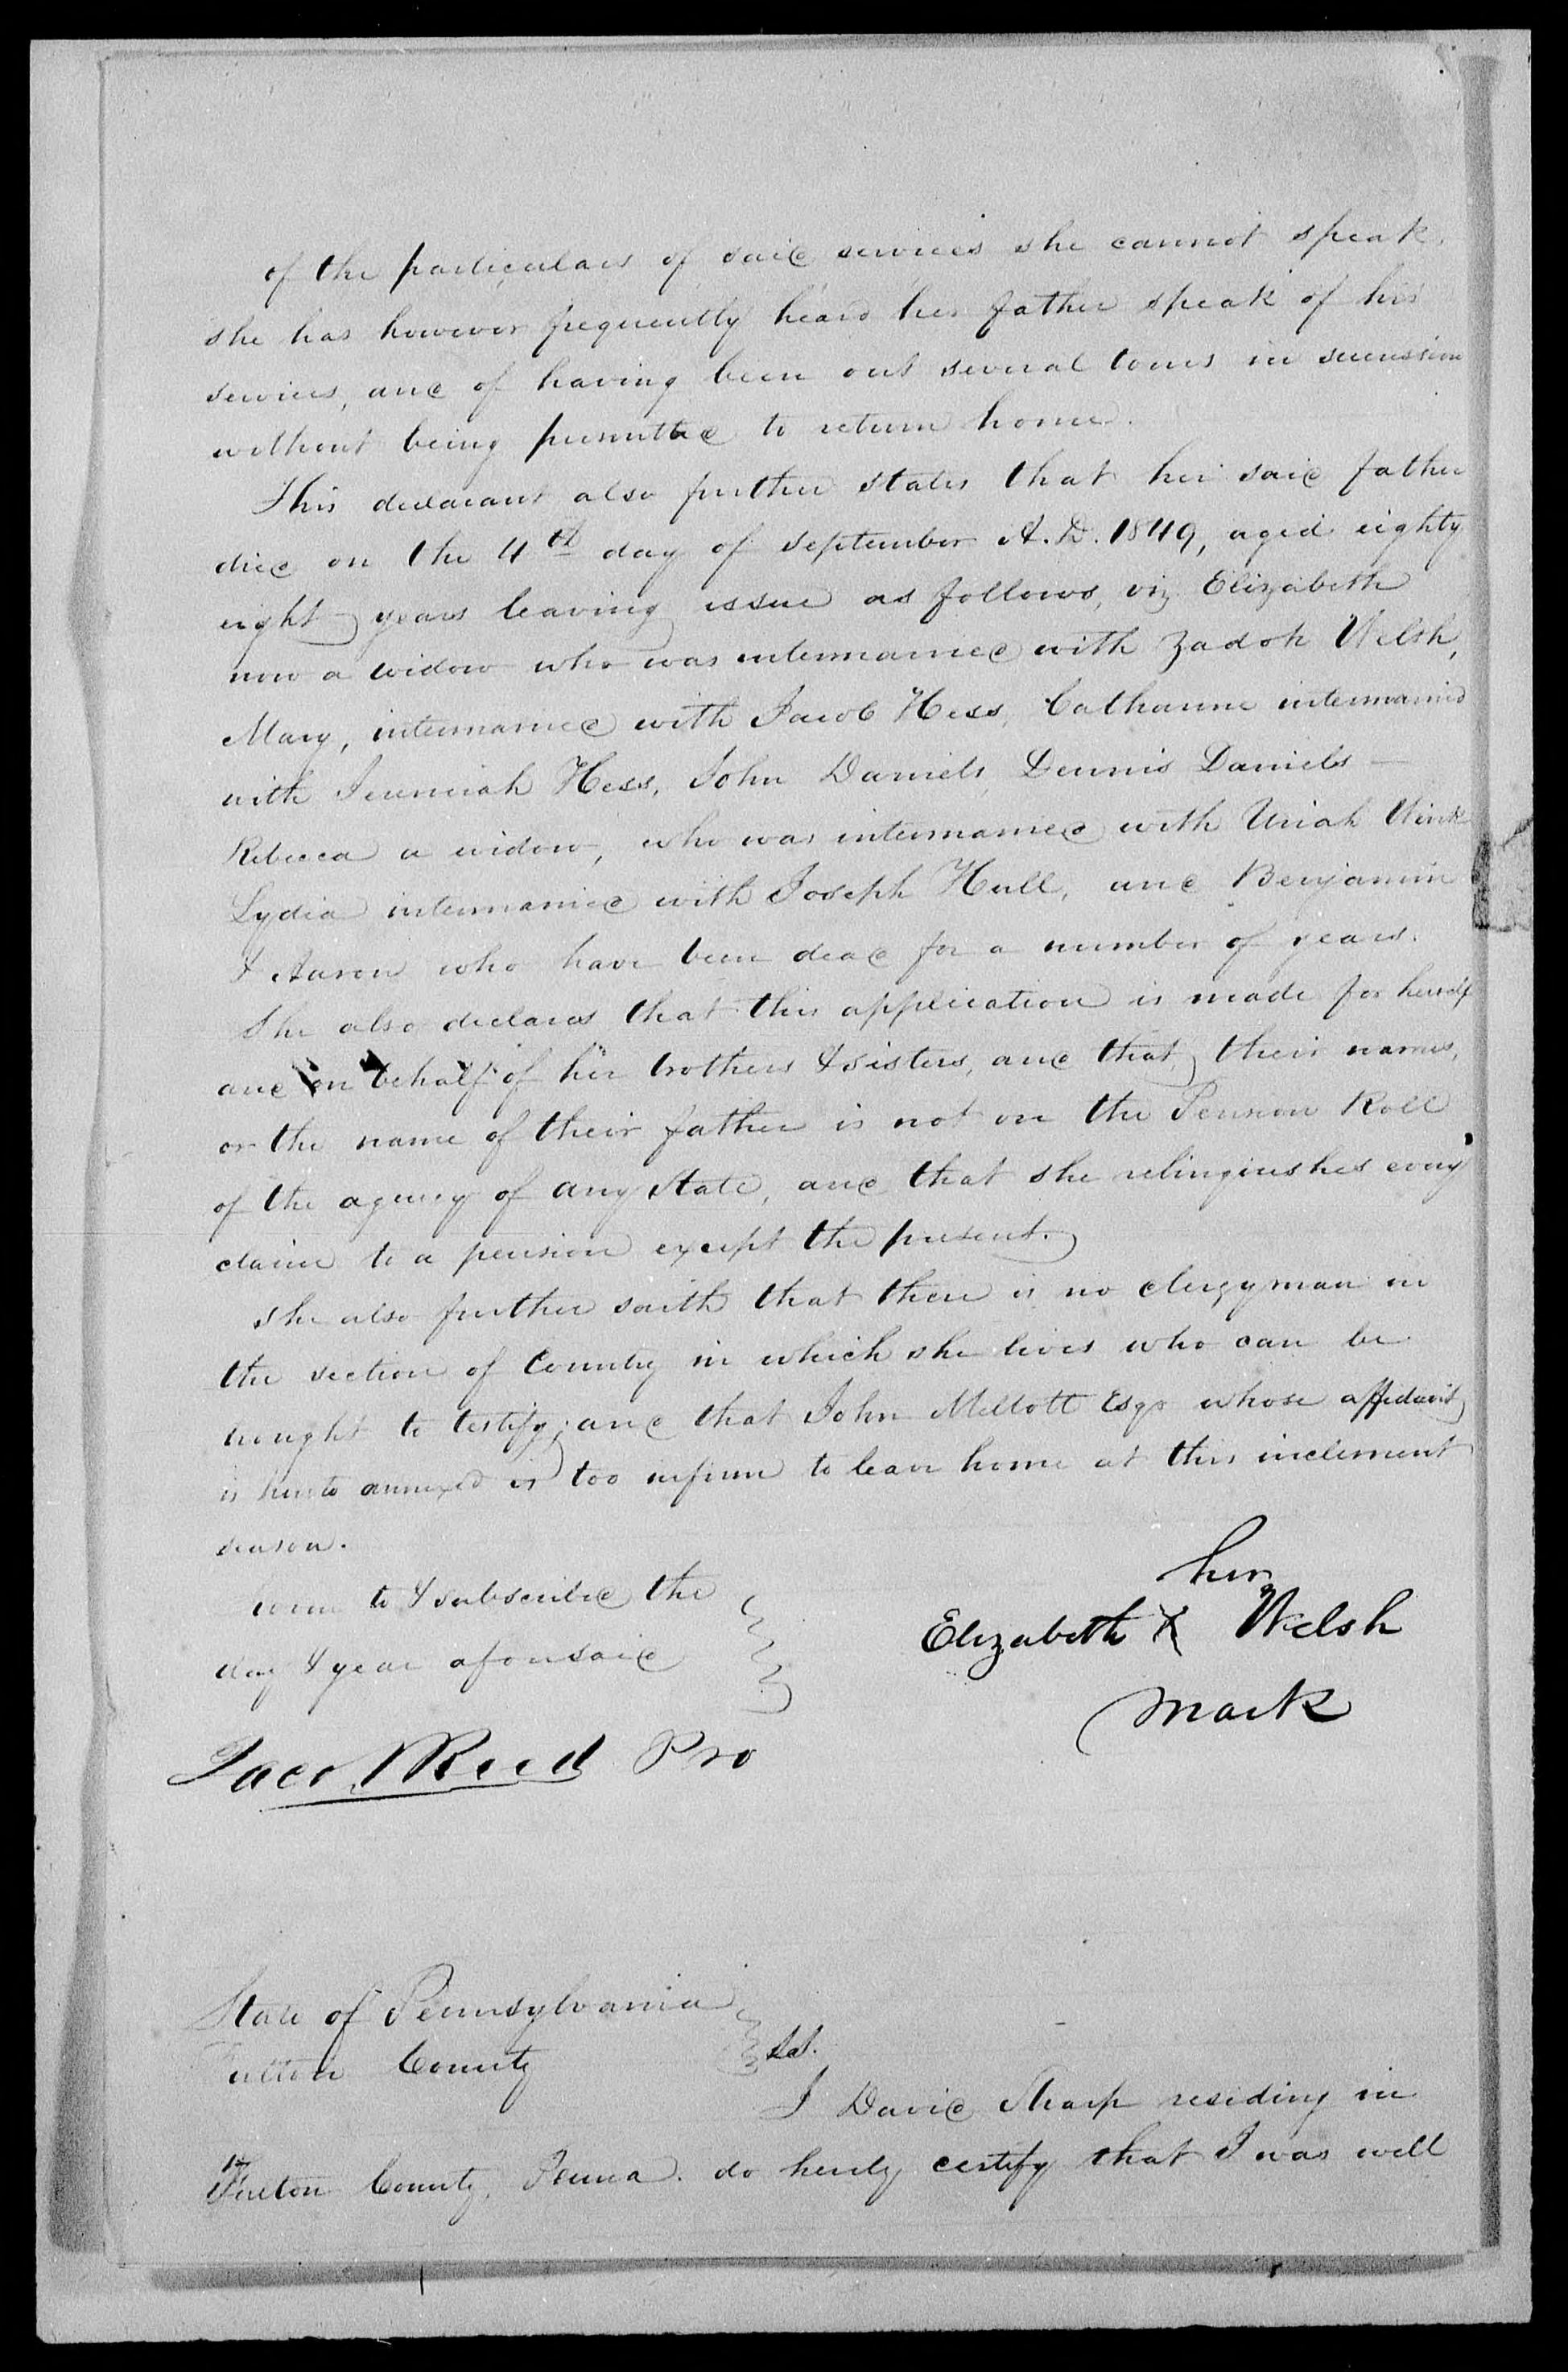of the particulars of said services she cannot speak.
she has however frequently heard her father speak of his
services, and of having been out several tours in succession
without being permitted to return home.
This declarant also further states that her said father
died on the 4th day of September A.D. 1849, aged eighty
eight years leaving issue as follows, viz Elizabeth
now a widow who was intermarried with Zadok Welsh,
Mary, intermarried with Jacob Hess, Catharine intermarried
with Jeremiah Hess, John Daniels, Dennis Daniels,
Rebecca a widow, who was intermarried with Uriah Wink
Lydia intermarried with Joseph Hull, and Benjamin
& Aaron who have been dead for a number of years.
She also declares that this application is made for herself
and on behalf of her brothers & sisters, and that their names,
or the name of their father is not on the Pension Roll
of the agency of any State, and that she relinquishes every
claim to a pension except the present.
She also further saith that there is no clergyman in
the section of County in which she lives who can be
brought to testify; and that John Mellott Esqr whose affidavit
hereto annexed is too infirm to leave home at this inclement
season.
her
Elizabeth [mark, X] Welsh
mark
Sworn to & subscribed the
day & year aforesaid
Jaco. Reed Pro

State of Pennsylvania
Fulton County ss
I David Sharp residing in
Fulton County, Penna. do hereby certify that I was well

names: Mary, Rebecca, John Mellott, John Daniels, Jaco Reed, David Sharp, Elizabeth, Benjamin, Lydia, Aaron, Catharine, Dennis Daniels, Jacob Hess, Elizabeth Welsh, Joseph Hull, Jeremiah Hess, Zadah Welsh, Uriah Wink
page: 3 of 35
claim: rejected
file: R. 2,650, Daniel Daniels, Penn.